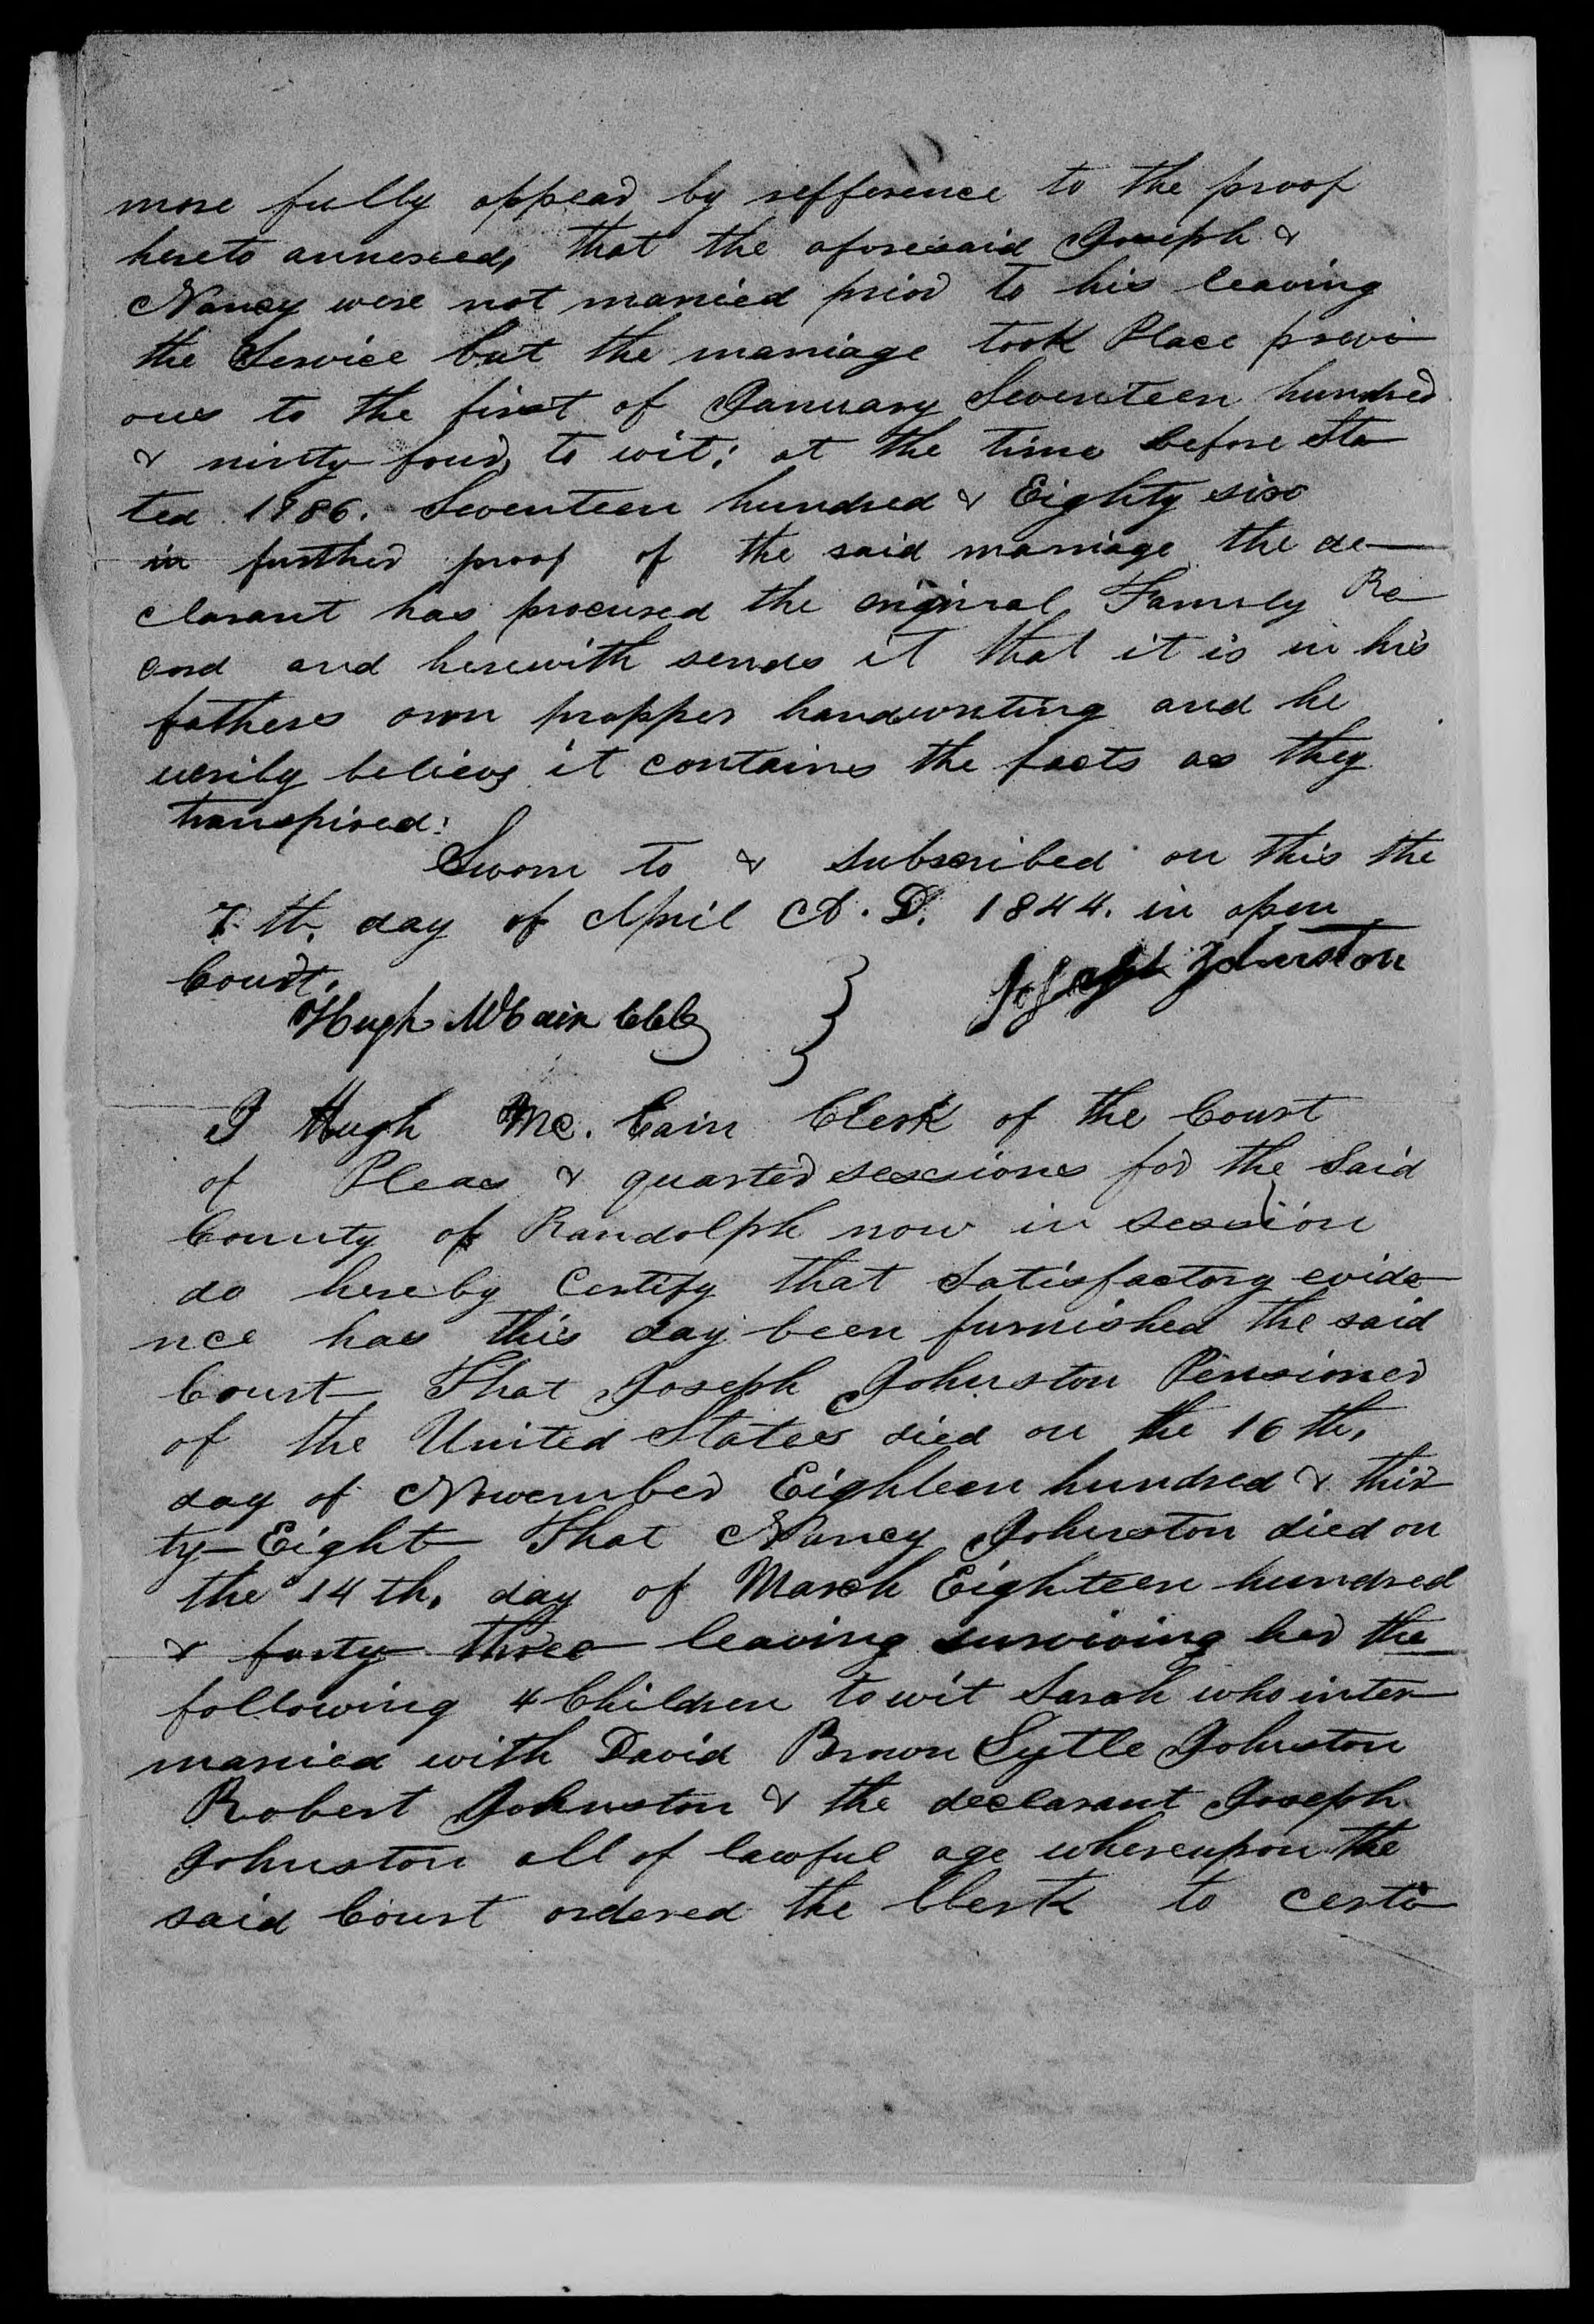more fully appear by refference [reference] to the proof hereto annexed. That the aforesaid Joseph & Nancy were not married prior to his leaving the service but the marriage took place previous to the first of January Seventeen hundred & ninety four, to wit: at the time before stated 1886, Seventeen hundred & Eighty six in further proof of the said marriage the declarant has procured the original Family Record and herewith sends it that it is in his fathers own propper [proper] handwriting and he verily believes it contains the facts as they transpired. 
Sworn to & subscribed on this the 7th day of April A.D. 1844, in open Court.
Hugh McCain Clk [Clerk]}
[signed] Joseph Johnston

I Hugh McCain Clerk of the Court of Pleas & quarter sessions for the said County of Randolph now in session do hereby certify that satisfactory evidence has this day been furnished the said Court. That Joseph Johnston Pensioner of the United States died on the 16th. day of November Eighteen hundred & thirty-Eight. That Nancy Johnston died on the 14th day of March Eighteen hundred & forty-three leaving surviving her the following 4 children to wit Sarah who intermarried with David Brown Lytle Johnston Robert Johnston & the declarant Joseph Johnston all of lawful age whereupon the said Court ordered the Clerk to certa [certify]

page: 7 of 41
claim: widow's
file: W. 5033, for Joseph Johnston, North Carolina